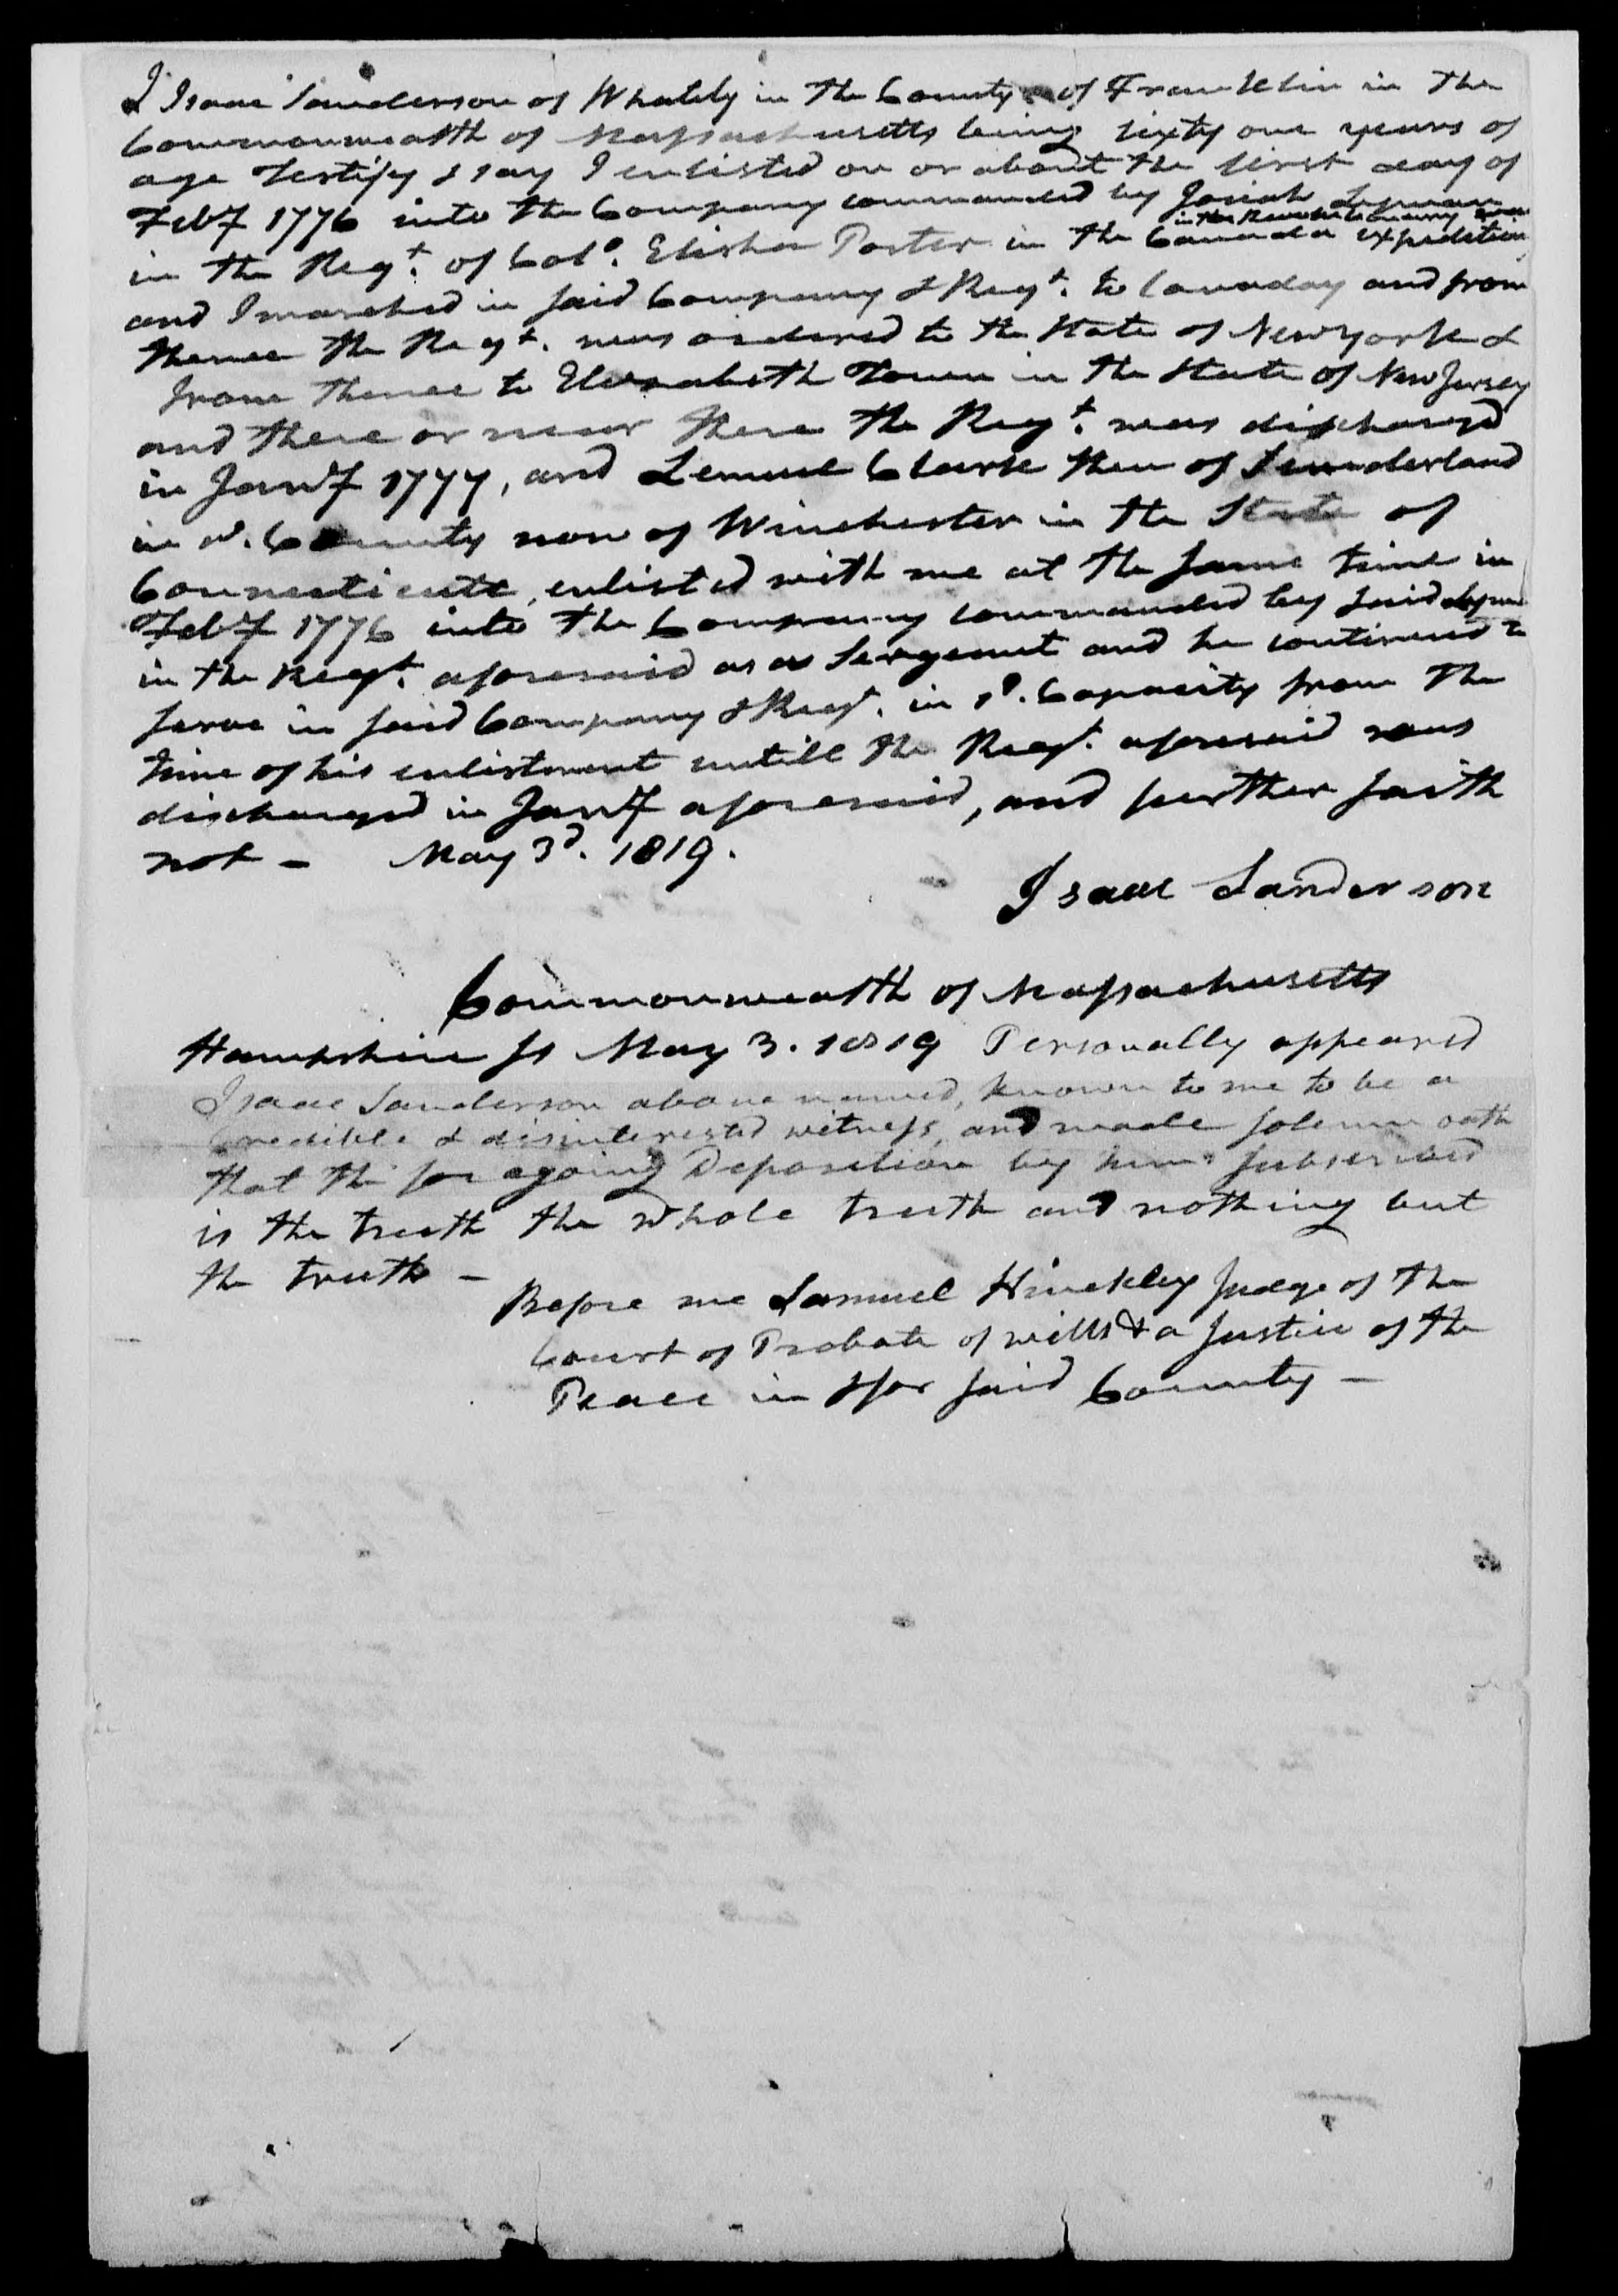I Isaac Sanderson of Whately in the County of Franklin in the Commonwealth of Massachusetts being sixty one years of age testify & say I enlisted on or about the first day of Feby 1776 into the Company commanded by Josiah Lyman in the Regt of Col. Elisha Porter in the Canada expedition [inserted: in the Revolutionary War] and I marched in said Company & Regt to Canada and from thence the Regt was ordered to the State of New York & from thence to Elizabeth Town in the State of New Jersey and there or near there the Regt was discharged in Jany 1777, and Lemuel Clark then of Sunderland in County now of Winchester in the State of Connecticut, enlisted with me at the same time in Feby 1776 into the company commanded by said Josiah Lyman in the Regt aforesaid as a sergeant and he continued to serve in said Company & Regt. in sd Capacity from the time of his enlistment untill the Regt aforesaid was discharged in Jan 77 aforesaid, and further saith not - May 3. 1819 
Isaac Sanderson 

Commonwealth of Massachusetts Hampshire SS May 3. 1819 
Personally appeared Isaac Sanderson above named, known to me to be a credible & disinterested witness, and made solemn oath that the foregoing Deposition by him subscribed is the truth the whole truth and nothing but the truth 
Before me Samuel Hinckley Judge of the Court of Probate of wills & a Justice of the Peace in & for said County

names: Elisha Porter, Josiah Lyman, Isaac Sanderson, Samuel Hinckley, Lyman, Isaac Sanderson, Lemuel Clark, Isaac Sanderson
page: 38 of 48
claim: survivor's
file: S. 17343, Lemuel Clarke, Mass.